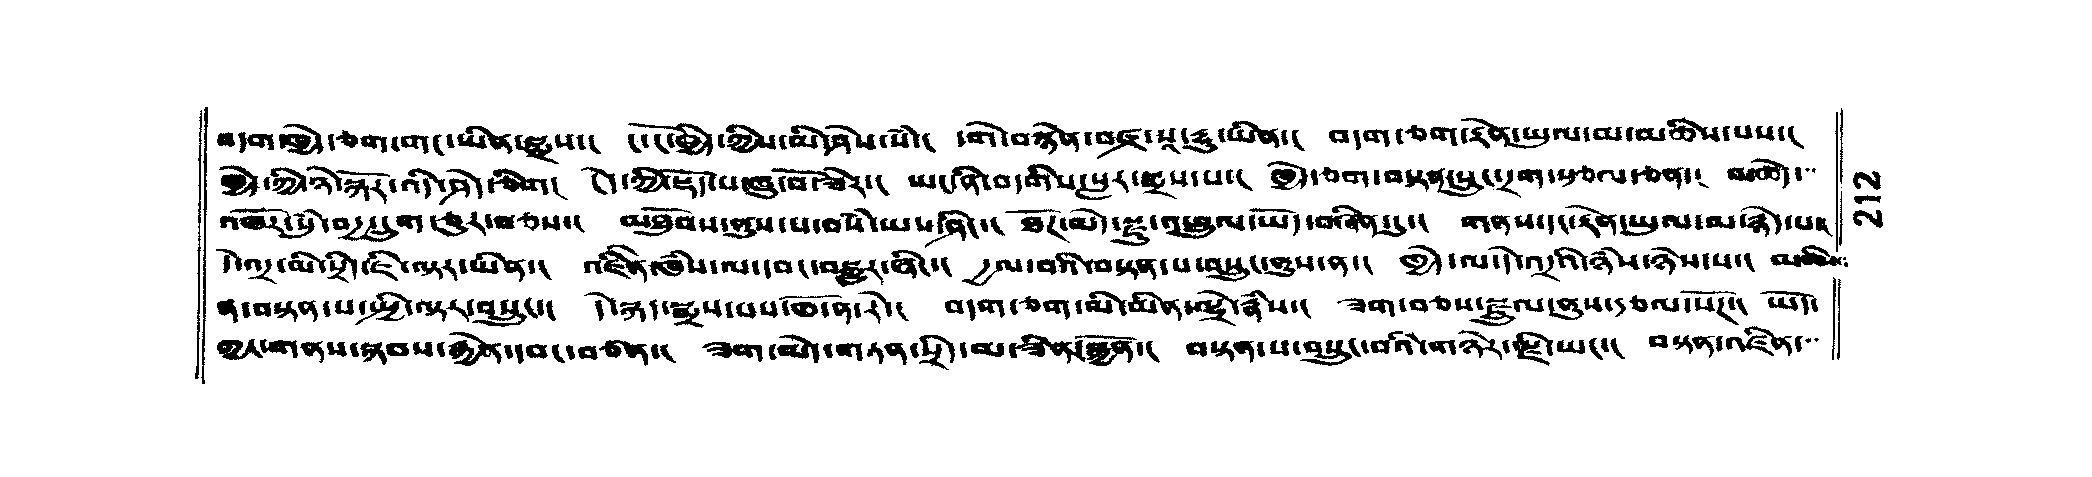བདག་ཁྱེད་ཅག་གང་ཡིན་སྨྲས། །ང་ངོ་ཁྱེད་ཀྱིས་མི་ཤེས་སམ། །དགེ་བསྙེན་བཛྲ་སཱ་དྷུ་ཡིན། །བདག་ཅག་རྟེན་ཡུལ་མ་མཆིས་པས། །
ཁྱེད་ཀྱི་ཉེ་སྐོར་འདི་ཤེད་ཅིག།ངེད་ཀྱི་སྡོད་ས་ཞུ་འོ་ཟེར། །ཡང་ནི་བདག་གིས་སླར་སྨྲས་པ། །ཁྱེད་ཅག་བསྟན་སྲུང་དྲག་རྩལ་ཅན། །མཆེད་
འཁོར་སུམ་བརྒྱ་དྲུག་ཅུར་བཅས། །མཐུ་སྟོབས་ནུས་པ་བསམ་ཡས་ཤིང་། །ཐོགས་མེད་རྫུ་འཕྲུལ་ཡོད་བཞིན་དུ། །གནས་དང་རྟེན་ཡུལ་མ་རྙེད་པ། །
དེ་འདྲ་མི་སྲིད་ཇི་ལྟར་ཡིན། །འཇིག་རྟེན་ཁམས་ལ་དབང་བསྒྱུར་ཞིང་། །རྒྱལ་བའི་བསྟན་པ་བསྲུང་ནུས་ན། །ཁྱེད་ལ་དེ་འདྲའི་ཉམས་ཉེས་པ། །མཆིས་
ན་བསྟན་པ་ཇི་ལྟར་བསྲུང་། །དེ་སྐད་སྨྲས་པས་ཁོ་ན་རེ། །བདག་ཅག་མི་མིན་ལྷ་འདྲེ་རྣམས། །ཟག་བཅས་རྫུ་འཕྲུལ་ནུས་རྩལ་སོགས། །ཡོད་
ཀྱང་གནས་སྐབས་རྐྱེན་དབང་བཙན། །ཟག་མེད་གཏན་སྲིད་མ་ཟིན་སྐྱོན། །བསྟན་པ་བསྲུང་བའི་གཉེར་ལྗི་ཡང་། །བསྟན་འཛིན་